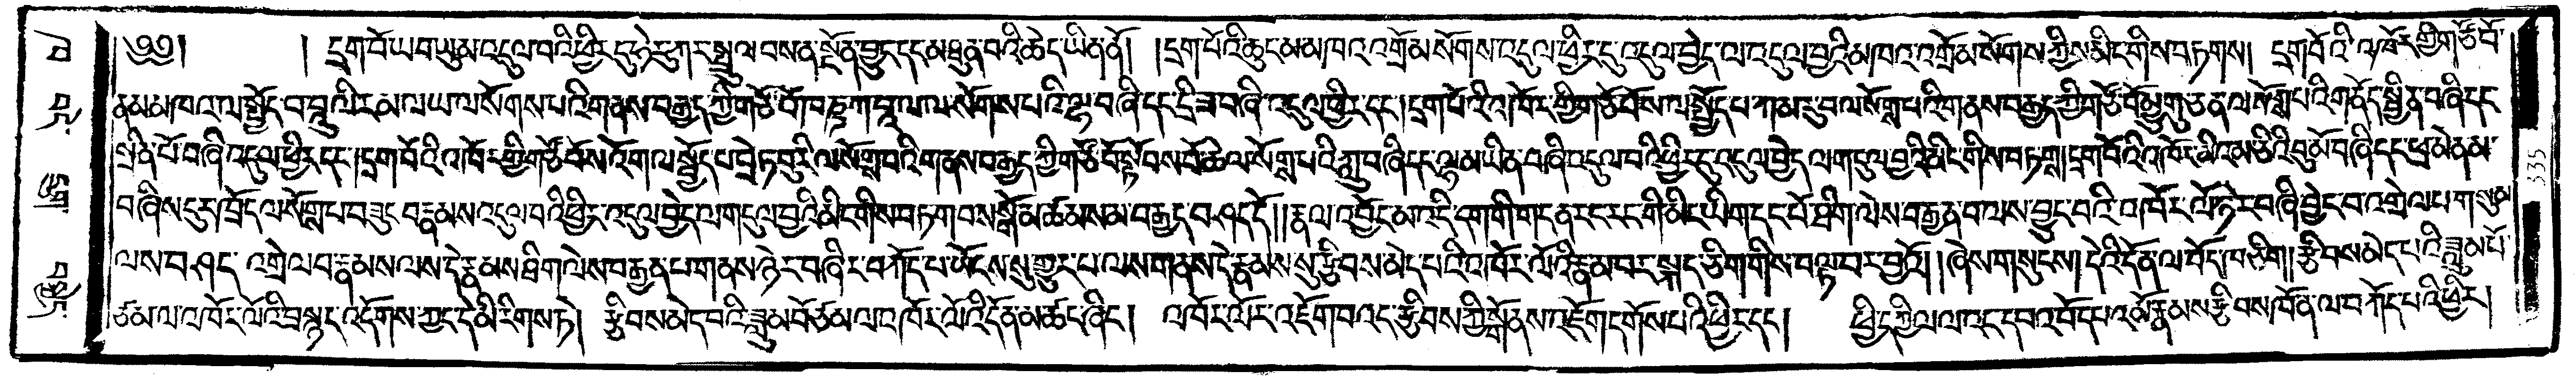༄༅། །དྲག་པོ་ཡབ་ཡུམ་འདུལ་བའི་ཕྱིར་དུ་ཧེ་རུ་ཀར་སྤྲུལ་བས་ན་སྔོན་བྱུང་དང་མཐུན་པའི་ཆེད་ཡིན་ནོ། །དྲག་པོའི་ཆུང་མ་མཁའ་འགྲོ་མ་སོགས་འདུལ་ཕྱིར་དུ་འདུལ་བྱེད་ལ་འདུལ་བྱའི་མཁའ་འགྲོ་མ་སོགས་ཀྱིས་མིང་གིས་བཏགས། དྲག་པོའི་འཁོར་གྱི་གཙོ་བོ་
ནམ་མཁའ་ལ་སྤྱོད་པ་བཱུ་ལི་རམ་ལ་ཡ་ལ་སོགས་པའི་གནས་བརྒྱད་ཀྱི་གཙོ་བོ་ཁཎྜ་ཀ་བཱ་ལ་ལ་སོགས་པའི་ལྷ་བཞི་དང་དྲི་ཟ་བཞི་འདུལ་ཕྱིར་དང་། དྲག་པོའི་འཁོར་གྱི་གཙོ་བོས་ལ་སྤྱོད་པ་ཀ་མ་རུ་བ་ལ་སོགས་པའི་གནས་བརྒྱད་ཀྱི་གཙོ་བོ་མྱུ་གུ་ཅན་ལ་སོགས་པའི་གནོད་སྦྱིན་བཞི་དང་
སྲིན་པོ་བཞི་འདུལ་ཕྱིར་དང་། དྲག་པོའི་འཁོར་གྱི་གཙོ་བོས་འོག་ལ་སྤྱོད་པ་བྲེ་ཏ་བུ་རི་ལ་སོགས་པའི་གནས་བརྒྱད་ཀྱི་གཙོ་བོ་སྟོབས་པོ་ཆེ་ལ་སོགས་པའི་ཀླུ་བཞི་དང་ལྷ་མ་ཡིན་བཞི་འདུལ་བའི་ཕྱིར་དུ་འདུལ་བྱེད་ལ་གདུལ་བྱའི་མིང་གིས་བཏགས། དྲག་པོའི་འཁོར་མི་འམ་ཅིའི་བུ་མོ་བཞི་དང་ཕྲ་མེ་ནམ་
བཞིས་དུར་ཁྲོད་ལ་སོགས་པ་བཟུང་བ་རྣམས་འདུལ་བའི་ཕྱིར་འདུལ་བྱེད་ལ་གདུལ་བྱའི་མིང་གིས་བཏག་བས་སྒོ་མཚམས་མ་བརྒྱད་བཤད་དོ། །རྣལ་འབྱོར་མ་འདི་དག་གི་གང་ན་རང་རང་གི་མིང་ཡིག་དང་པོ་ཐིག་ལེས་བརྒྱན་བ་ལས་བྱུང་བའི་འཁོར་ལོ་ཉེར་བཞི་བྱེད་བ་འགྲེལ་པ་གསུམ་
ལས་བཤད་འགྲེལ་པ་རྣམས་ལས་དེ་རྣམས་ཐིག་ལེས་བརྒྱན་པ་གནས་ཉེར་བཞིར་བཀོད་པ་ཡོངས་སུ་གྱུར་པ་ལས་གནས་དེ་རྣམས་སུ་རྩིབས་མེད་པའི་འཁོར་ལོའི་རྣམ་པར་སྐད་ཅིག་གིས་བལྟ་བར་བྱའོ། །ཞེས་གསུངས། དེའི་དོན་ལ་བོད་ཁ་ཅིག། རྩིབས་མེད་པའི་ཟླུམ་པོ་
ཙམ་ལ་འཁོར་ལོའི་བྲ་སྙད་འདོགས་ཀྱང་དེ་མི་རིགས་ཏེ། རྩིབས་མེད་པའི་ཟླུམ་བོ་ཙམ་ལ་འཁོར་ལོའི་དོན་མ་ཚང་ཞིང་། འཁོར་ལོར་འཇོག་བའང་རྩིབས་ཀྱི་སྒོ་ནས་འཇོག་དགོས་པའི་ཕྱིར་དང་། ཕྱི་དཀྱིལ་ལའང་དཔའ་བོ་དཔའ་མོ་རྣམས་རྩིབས་ཁོ་ན་ལ་བཀོད་པའི་ཕྱིར།